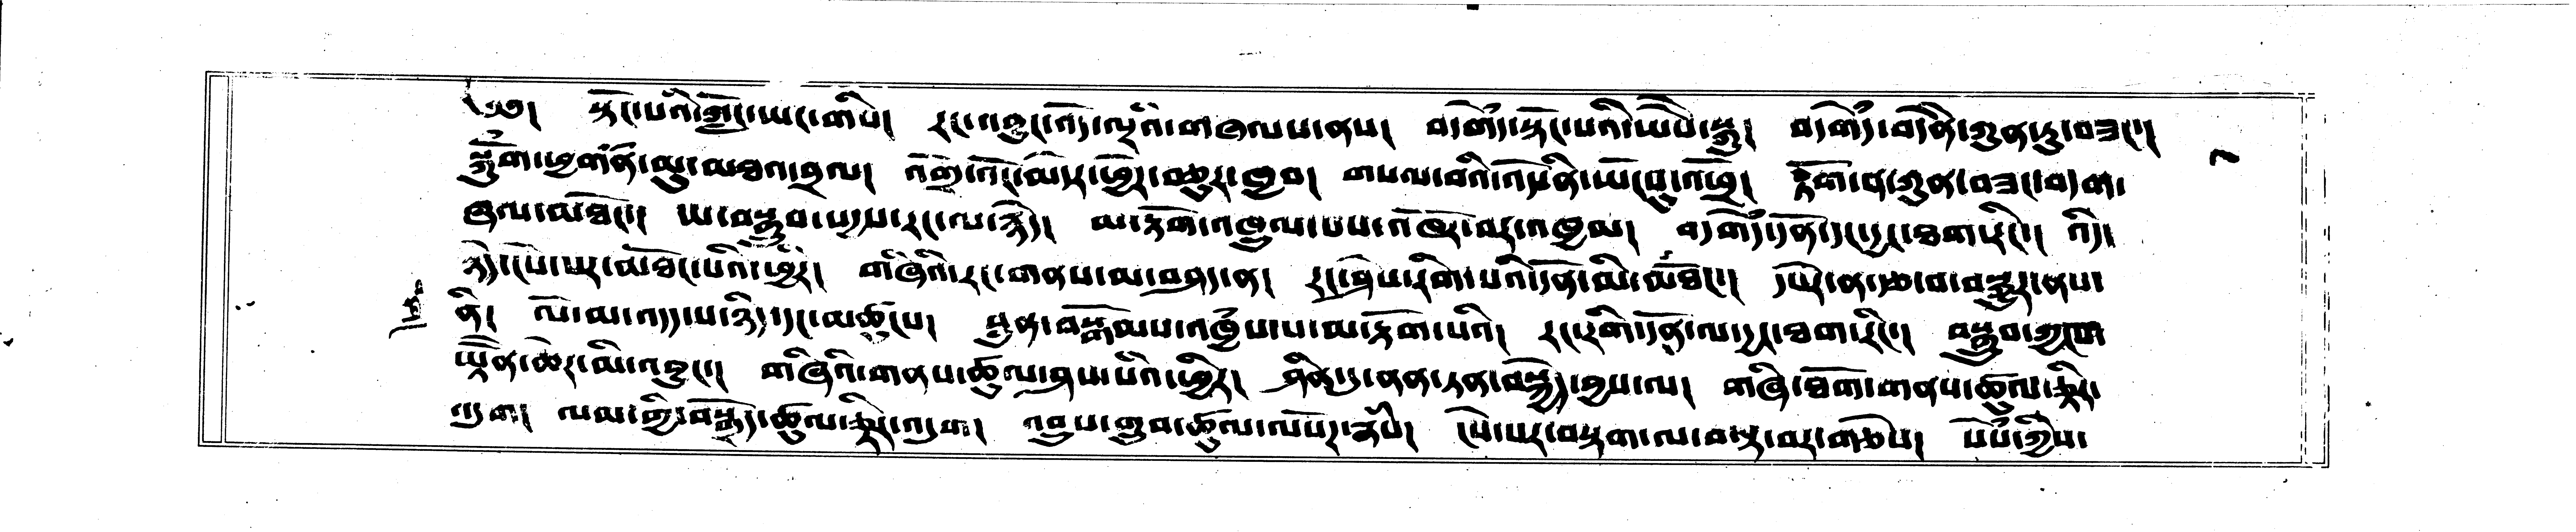སྟོང་པའི་ཀློང་ཡང་གིས། རང་འབྱུང་འོད་ལྔའི་གཞལ་ཡས་ནས། བདག་མེད་སྟོང་པའི་ཡེ་ཤེས་སྐུ། བདག་མེད་བདེ་ཆེན་ཀུན་ཏུ་བཟང་། 
སྐུ་མདོག་ཕྱག་མཚན་མུ་མཐའ་བྲལ། འགྲོ་འོང་མེད་པར་ཕྱོགས་བཅུར་ཁྱབ། གསལ་བའི་འོད་ནི་ཡོངས་སུ་འཕྲོ། རྟོགས་ན་ཀུན་བཟང་བདག་
ཞལ་མཐོང་། མ་བསྒྲུབས་སངས་རྒྱས་རང་ལ་རྙེད། མ་རྟོགས་འཁྲུལ་པས་འཁོར་བར་འཁྱམས། བདག་མེད་དོན་དང་རྒྱང་ཐག་རིང་། འདི་
ཉིད་ངེས་པར་མཐོང་བའི་ཕྱིར། གཞིའི་རང་གནས་མ་བཤད་ན། རང་ཤེས་རིག་པའི་དོན་མི་མཐོང་། དཔེར་ན་རྩ་བ་བསྐྱུར་ནས་
ནི། ལོ་མ་འདོད་པ་ཉིད་དང་མཚུངས། བླུན་སྒོམ་འཁྱམས་པ་མ་རྟོགས་པའི། རང་རིག་དོན་ལ་རྒྱང་ཐག་རིང་། བསྒྲུབས་ཀྱང་
ཡོན་ཏན་ཆེར་མི་འབྱུང་། གཞིའི་གནས་ཚུལ་ཤེས་པའི་ཕྱིར། ཤིན་ཏུ་ནན་ཏན་བསྐྱེད་བྱས་ལ། གཞི་ཐོག་གནས་ཚུལ་ཅི་ལྟར་
འདུག ལམ་གྱི་བསྒྲོད་ཚུལ་ཅི་ལྟར་འདུག འབྲས་བུ་གྲུབ་ཚུལ་ལ་སོགས་རྣམས། ངེས་པར་བསྟན་ལ་བལྟ་བར་གཅེས། སེམས་ཀྱིས་